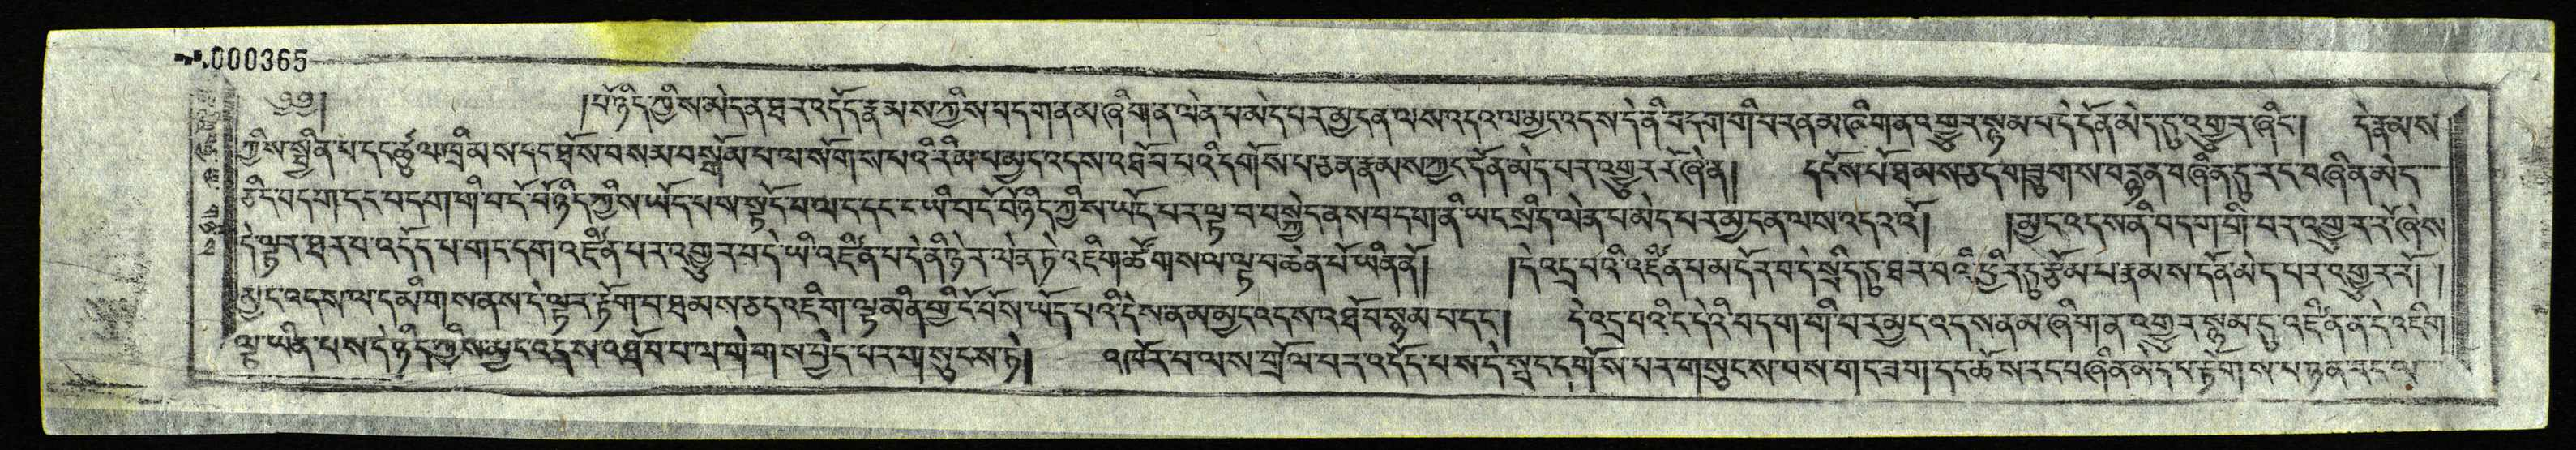༄༅། །བོ་ཉིད་ཀྱིས་མེད་ན་ཐར་འདོད་རྣམས་ཀྱིས་བདག་ནམ་ཞིག་ན་ལེན་པ་མེད་པར་མྱ་ངན་ལས་འདའ་ལ་མྱང་འདས་དེ་ནི་བདག་གི་བར་ནམ་ཞིག་ན་འགྱུར་སྙམ་པ་དེ་དོན་མེད་དུ་འགྱུར་ཞིང་། དེ་རྣམས་
ཀྱིས་སྦྱིན་པ་དང་ཚུལ་ཁྲིམས་དང་ཐོས་བསམ་བསྒོམ་པ་ལ་སོགས་པའི་རིམ་པ་མྱང་འདས་འཐོབ་པའི་དགོས་པ་ཅན་རྣམས་ཀྱང་དོན་མེད་པར་འགྱུར་རོ་ཞེ་ན། དངོས་པོ་ཐམས་ཅད་གཟུགས་བརྙན་བཞིན་དུ་རང་བཞིན་མེད་
ཅིང་བདག་དང་བདག་གི་བ་ངོ་བོ་ཉིད་ཀྱིས་ཡོད་པས་སྟོང་པ་ལ་ང་དང་ང་ཡི་བ་ངོ་བོ་ཉིད་ཀྱིས་ཡོད་པར་ལྟ་བ་བསྐྱེད་ནས་བདག་ནི་ཡང་སྲིད་ལེན་པ་མེད་པར་མྱ་ངན་ལས་འདའ་འོ། །མྱང་འདས་ནི་བདག་གི་བར་འགྱུར་རོ་ཞེས་
དེ་ལྟར་ཐར་པ་འདོད་པ་གང་དག་འཛིན་པར་འགྱུར་པ་དེ་ཡི་འཛིན་པ་དེ་ནི་ཉེར་ལེན་ཏེ་འཇིག་ཚོགས་ལ་ལྟ་བ་ཆེན་པོ་ཡིན་ནོ། །དེ་འདྲ་བའི་འཛིན་པ་མདོར་བ་དེ་སྲིད་དུ་ཐར་བའི་ཕྱིར་དུ་རྩོམ་པ་རྣམས་དོན་མེད་པར་འགྱུར་རོ། །
མྱང་འདས་ལ་དམིགས་ནས་དེ་ལྟར་རྟོག་པ་ཐམས་ཅད་འཇིག་ལྟ་མིན་གྱི་ངོ་བོས་ཡོད་པའི་དེས་ནམ་མྱང་འདས་འཐོབ་སྙམ་པ་དང་། དེ་འདྲ་བའི་ང་དེའི་བདག་གི་བར་མྱང་འདས་ནམ་ཞིག་ན་འགྱུར་སྙམ་དུ་འཛིན་ན་དེ་འཇིག་
ལྟ་ཡིན་པས་དེ་ཉིད་ཀྱིས་མྱང་འདས་འཐོབ་པ་ལ་གེགས་བྱེད་པར་གསུངས་ཏེ། འཁོར་བ་ལས་གྲོལ་བར་འདོད་པས་དེ་སྤང་དགོས་པར་གསུངས་པས་གང་ཟག་དང་ཆོས་རང་བཞིན་མེད་པ་རྟོགས་པ་ཉན་རང་ལ་